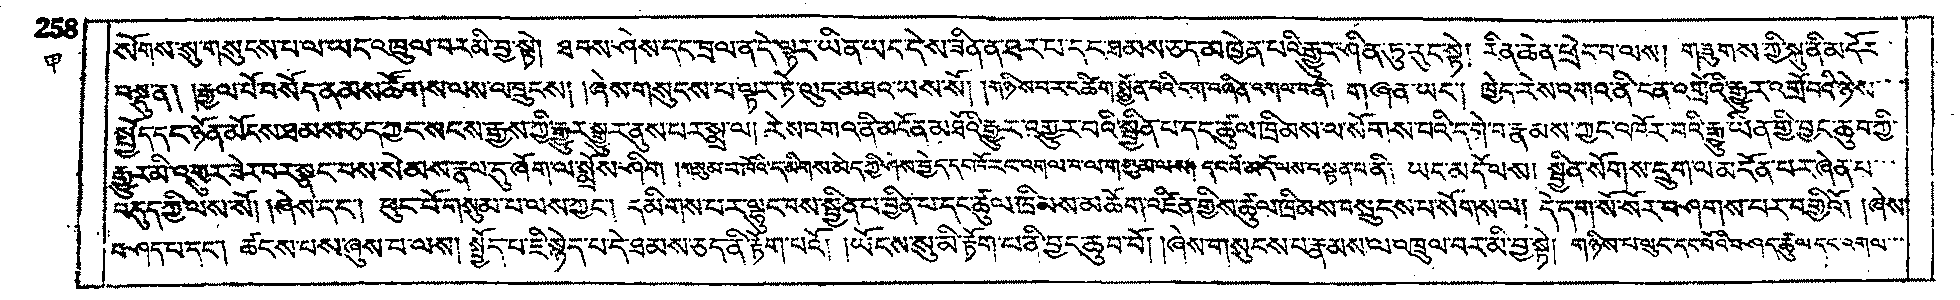སོགས་སུ་གསུངས་པ་ལ་ཡང་འཁྲུལ་བར་མི་བྱ་སྟེ། ཐབས་ཤེས་དང་བྲལ་ན་དེ་ལྟར་ཡིན་ཡང་དེས་ཟིན་ན་ཐར་པ་དང་ཐམས་ཅད་མཁྱེན་པའི་རྒྱུར་ཤིན་ཏུ་རུང་སྟེ། རིན་ཆེན་ཕྲེང་བ་ལས། གཟུགས་ཀྱི་སྐུ་ནི་མདོར་
བསྡུ་ན། །རྒྱལ་པོ་བསོད་ནམས་ཚོགས་ལས་འཁྲུངས། །ཞེས་གསུངས་པ་ལྟར་ཏེ་ལུང་མཐའ་ཡས་སོ། །གཉིས་པ་རང་ཚིག་སྨྱོན་པའི་དག་བཞིན་འགལ་བ་ནི།  གཞན་ཡང་། ཁྱེད་རེས་འགའ་ནི་ངན་འགྲོའི་རྒྱུར་འགྲོ་བའི་ཉེས་
སྤྱོད་དང་ཉོན་མོངས་ཐམས་ཅད་ཀྱང་སངས་རྒྱས་ཀྱི་རྒྱུར་སྒྱུར་ནུས་པར་སྨྲ་ལ། རེས་འགའ་ནི་མངོན་མཐོའི་རྒྱུར་འགྱུར་བའི་སྦྱིན་པ་དང་ཚུལ་ཁྲིམས་ལ་སོགས་པའི་དགེ་བ་རྣམས་ཀྱང་འཁོར་བའི་རྒྱུ་ཡིན་གྱི་བྱང་ཆུབ་ཀྱི་
རྒྱུར་མི་འགྱུར་ཟེར་བར་སྣང་བས་སེམས་རྣལ་དུ་ཞོག་ལ་སྨྲོས་ཤིག་།གསུམ་པ་ཁོའི་དམིགས་མེད་ཀྱི་ཤེས་བྱེད་དང་ཁོ་རང་འགལ་བ་ལ་གསུམ་ལས། དང་པོ་མདོ་ལས་བསྟན་པ་ནི།  ཡང་མདོ་ལས། སྦྱིན་སོགས་དྲུག་ལ་མངོན་པར་ཞེན་པ་
བདུད་ཀྱི་ལས་སོ། །ཞེས་དང་། ཕུང་པོ་གསུམ་པ་ལས་ཀྱང་། དམིགས་པར་ལྷུང་བས་སྦྱིན་པ་བྱིན་པ་དང་ཚུལ་ཁྲིམས་མཆོག་འཛིན་གྱིས་ཚུལ་ཁྲིམས་བསྲུངས་པ་སོགས་ལ། དེ་དག་སོ་སོར་བཤགས་པར་བགྱིའོ། །ཞེས་
བཤད་པ་དང་། ཚངས་པས་ཞུས་པ་ལས། སྤྱོད་པ་ཇི་སྙེད་པ་དེ་ཐམས་ཅད་ནི་རྟོག་པའོ། །ཡོངས་སུ་མི་རྟོག་པ་ནི་བྱང་ཆུབ་བོ། །ཞེས་གསུངས་པ་རྣམས་ལ་འཁྲུལ་བར་མི་བྱ་སྟེ། གཉིས་པ་ལུང་དང་པོའི་བཤད་ཚུལ་དང་འགལ་